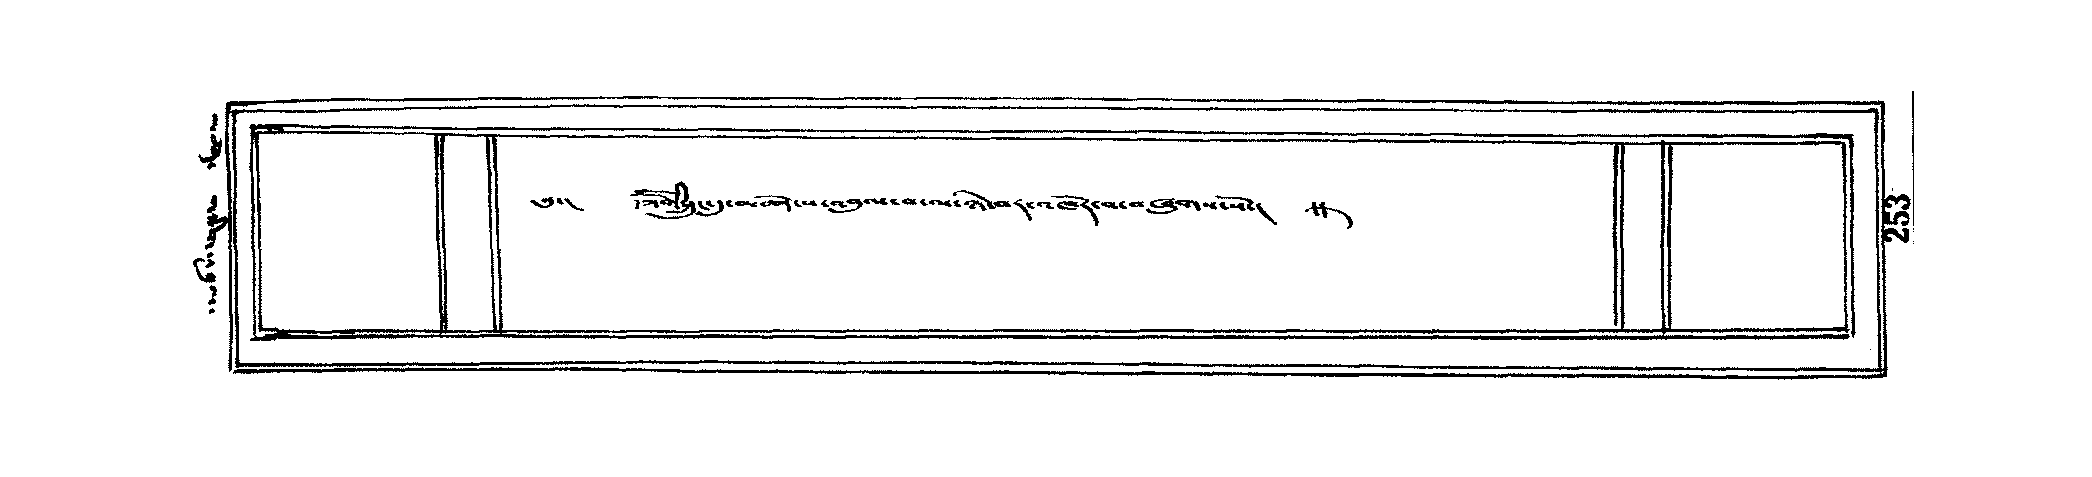༄༅། དཀོན་མཆོག་གི་དྲུང་དུ་མཆོད་པ་འབུལ་བ་ལ་ཉེ་བར་འཁོ་བ་བཞུགས་སོ།